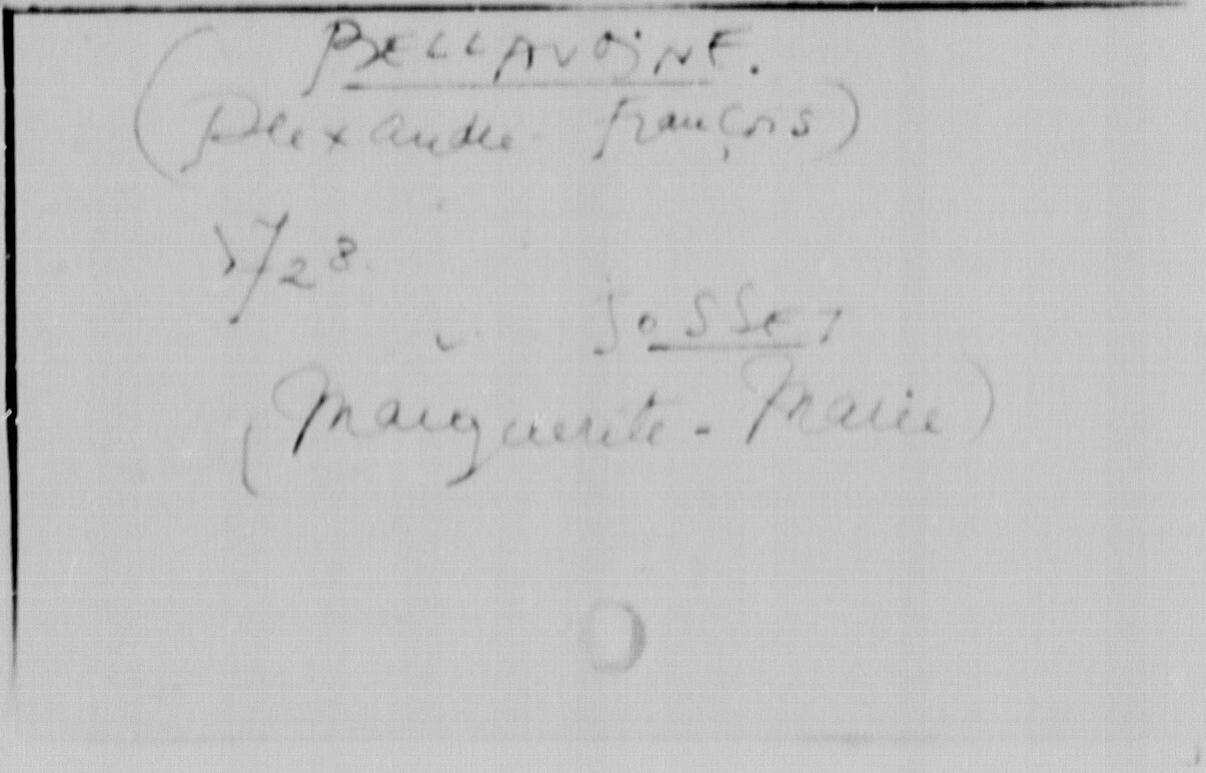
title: BELLAVOINE (Alexandre François)
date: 1728
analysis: Voir SOSSET (Marguerite-Marie)
